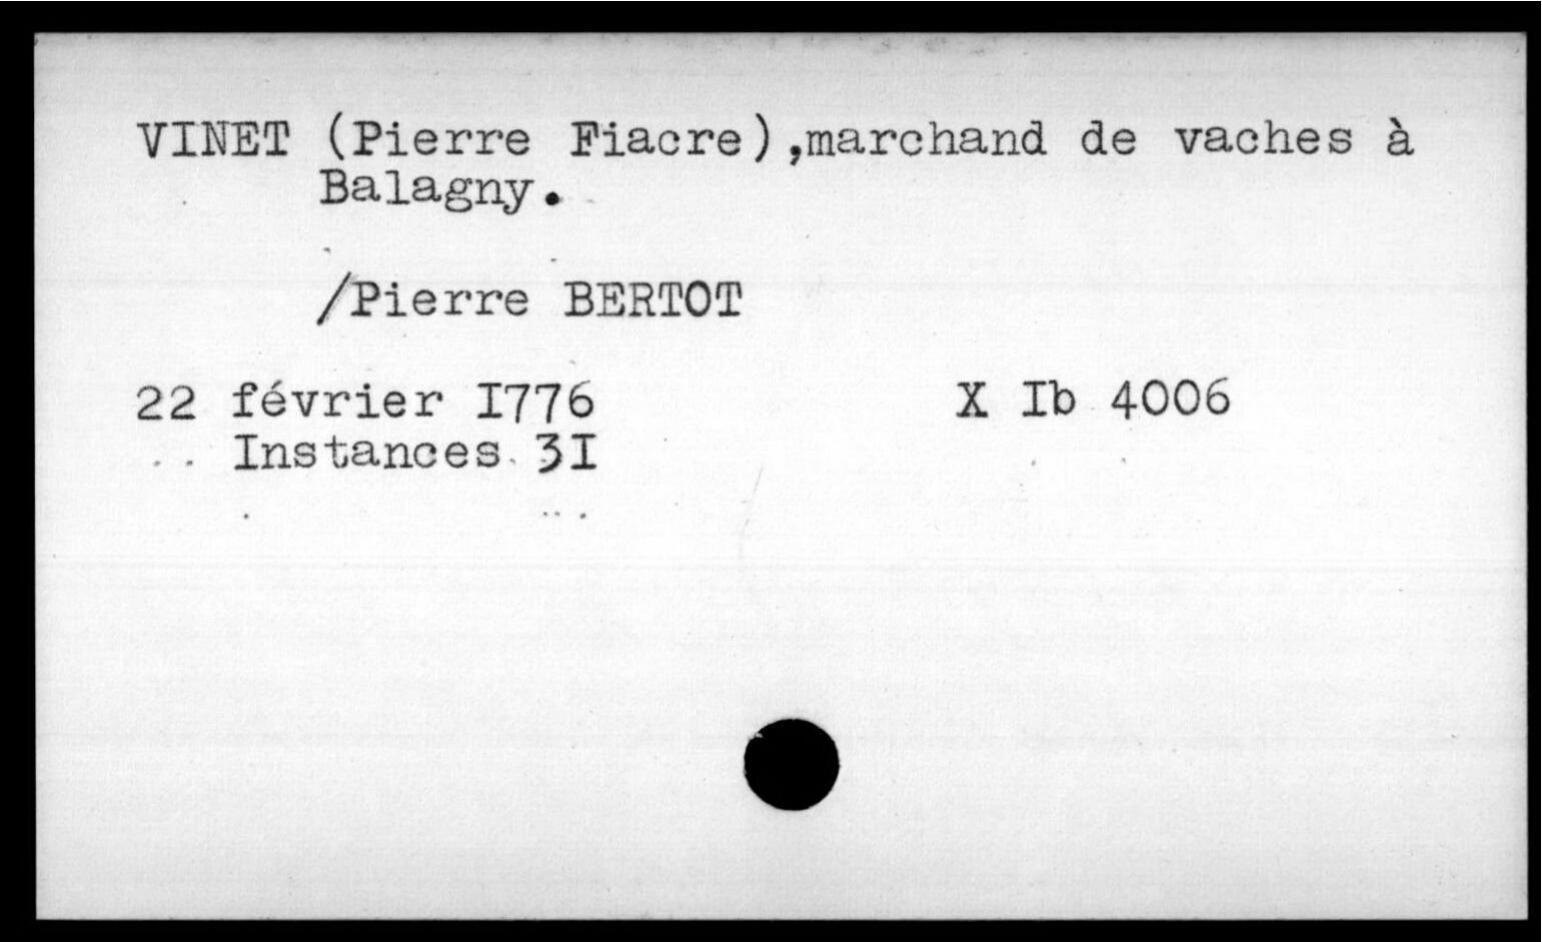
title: VINET (Pierre Fiacre), marchand de vaches à Balagny.
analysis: Contre Pierre BERTOT
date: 22 février 1776
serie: X1b
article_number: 4006
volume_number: Instances, 31
